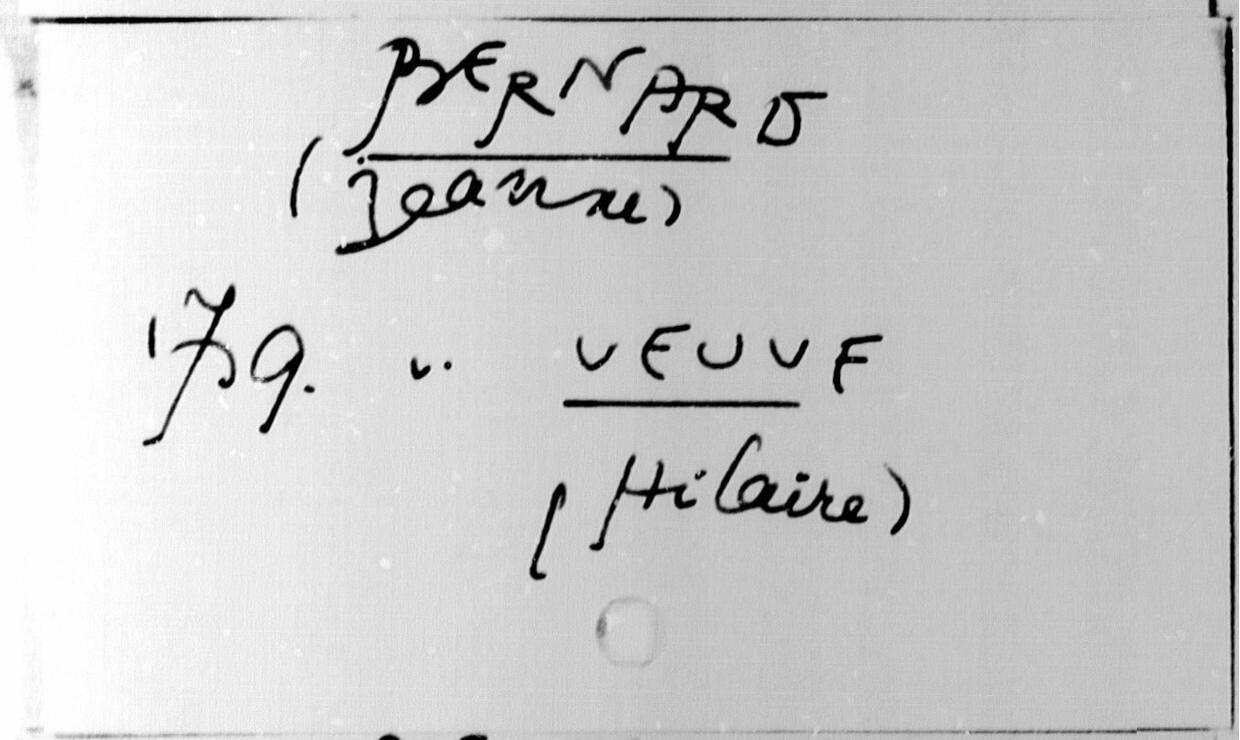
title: BERNARD (Jeanne)
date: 1709
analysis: Voir Veuve (Hilaire)
